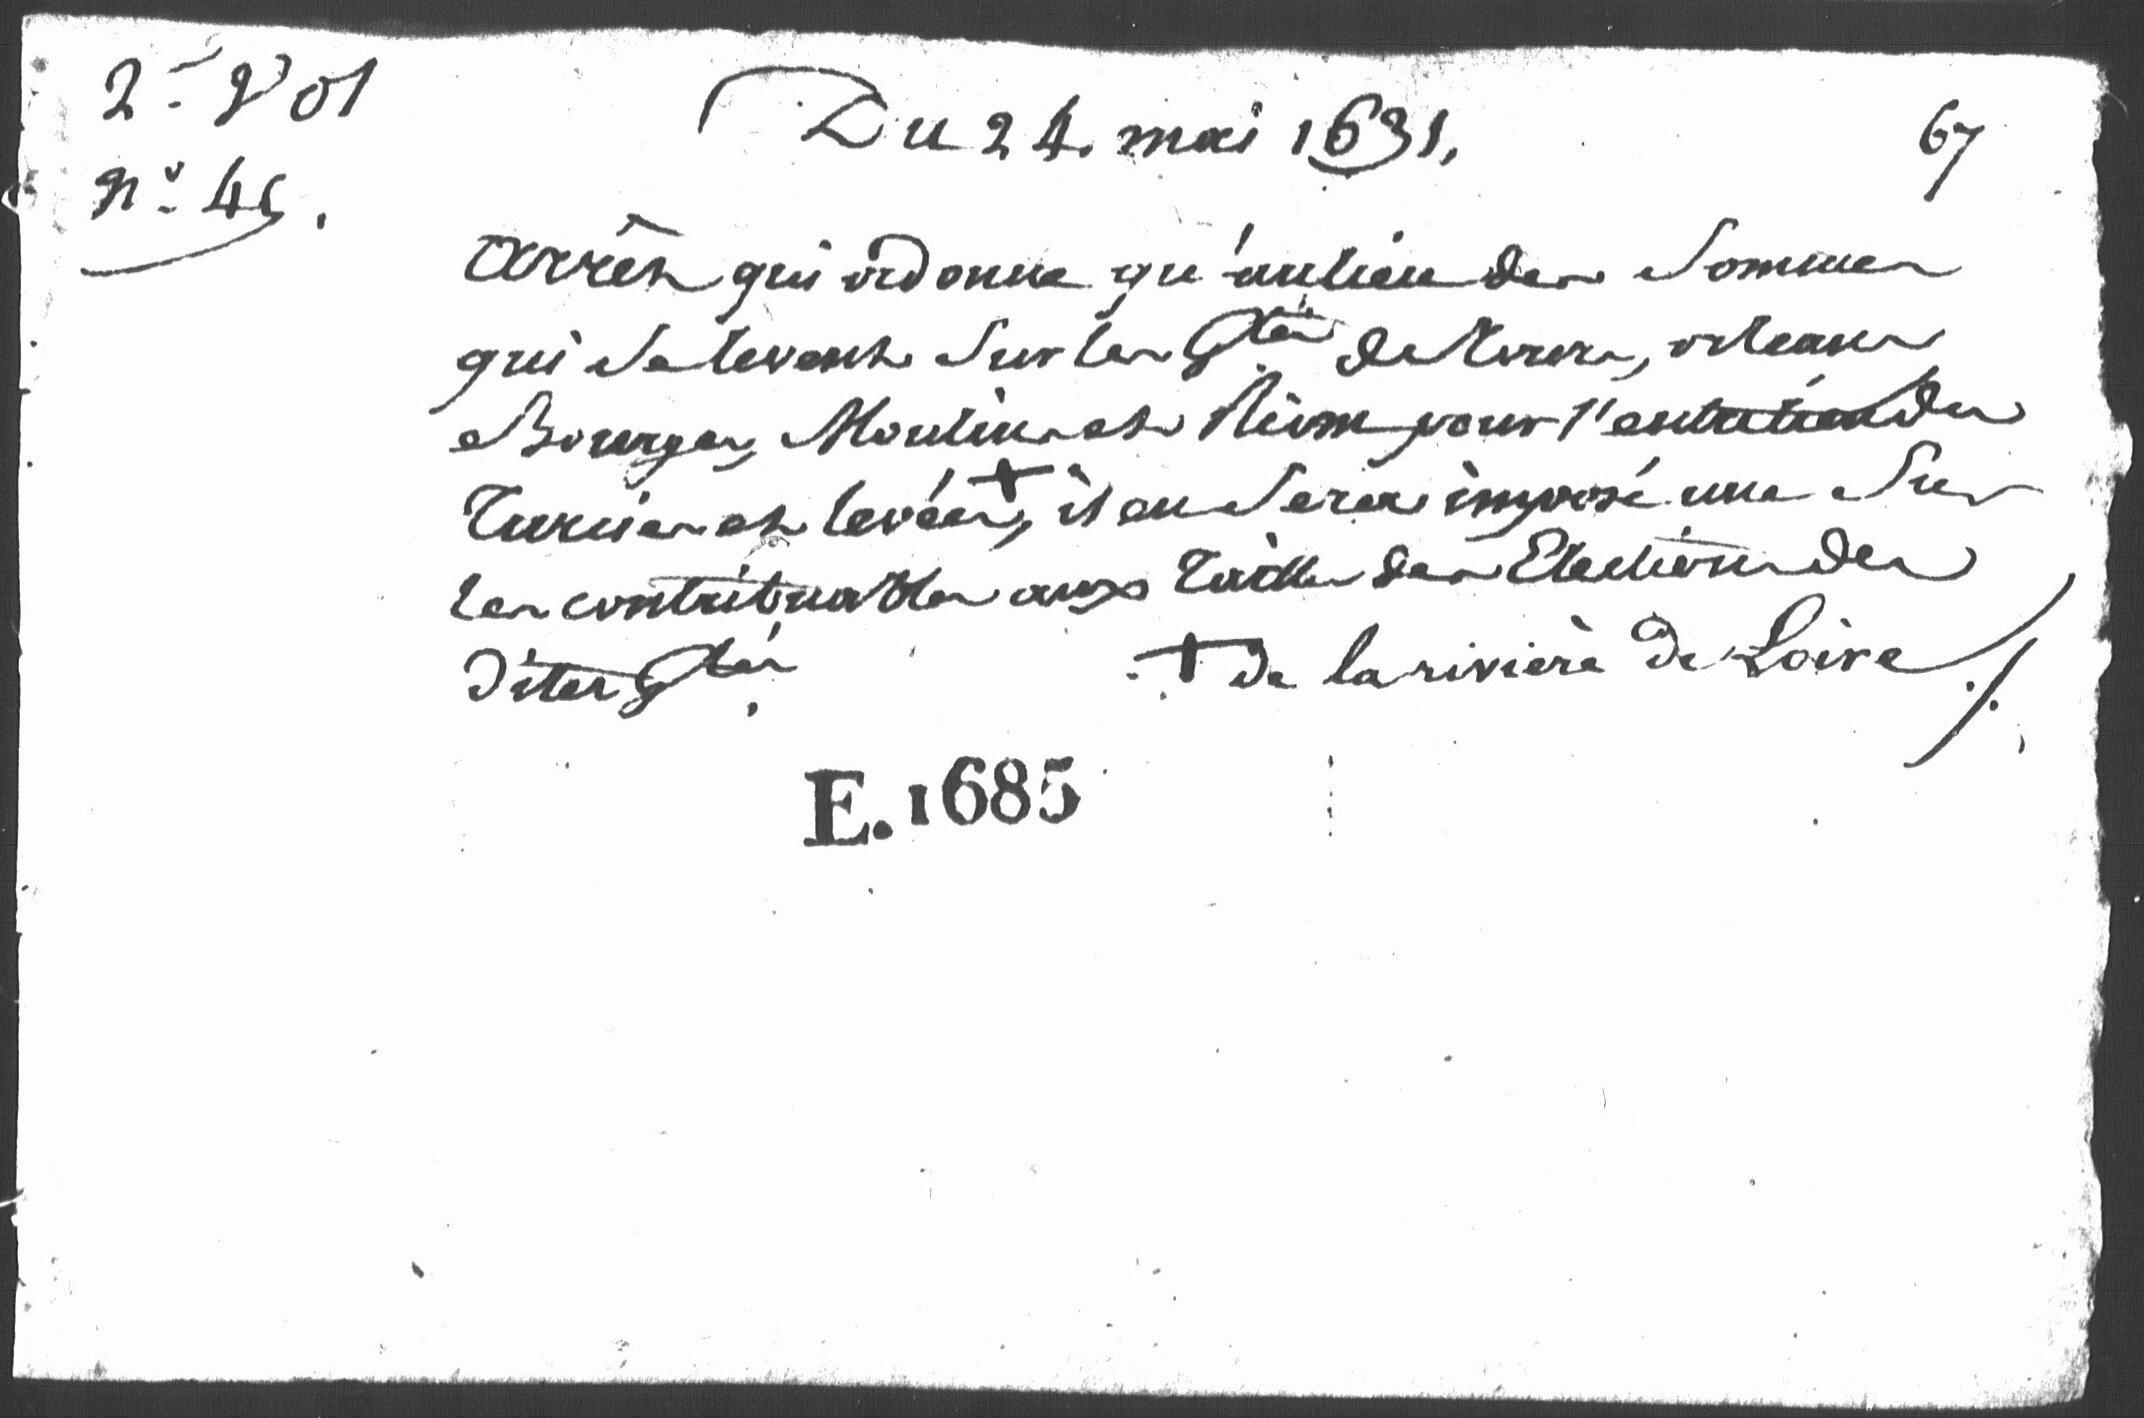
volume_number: n°45
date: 24 mai 1631
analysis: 67
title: Arrêt qui ordonne qu'au lieu des sommes qui se levent sur les Gtés de Tours, Orleans, Bourges, Moulins et Riom pour l'entretien des rurcies et levées de la rivière de Loire, il en sera imposé une sur les contribuables aux tailles des Elections des dites Gtés.
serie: E
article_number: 1685
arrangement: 2.e vol
